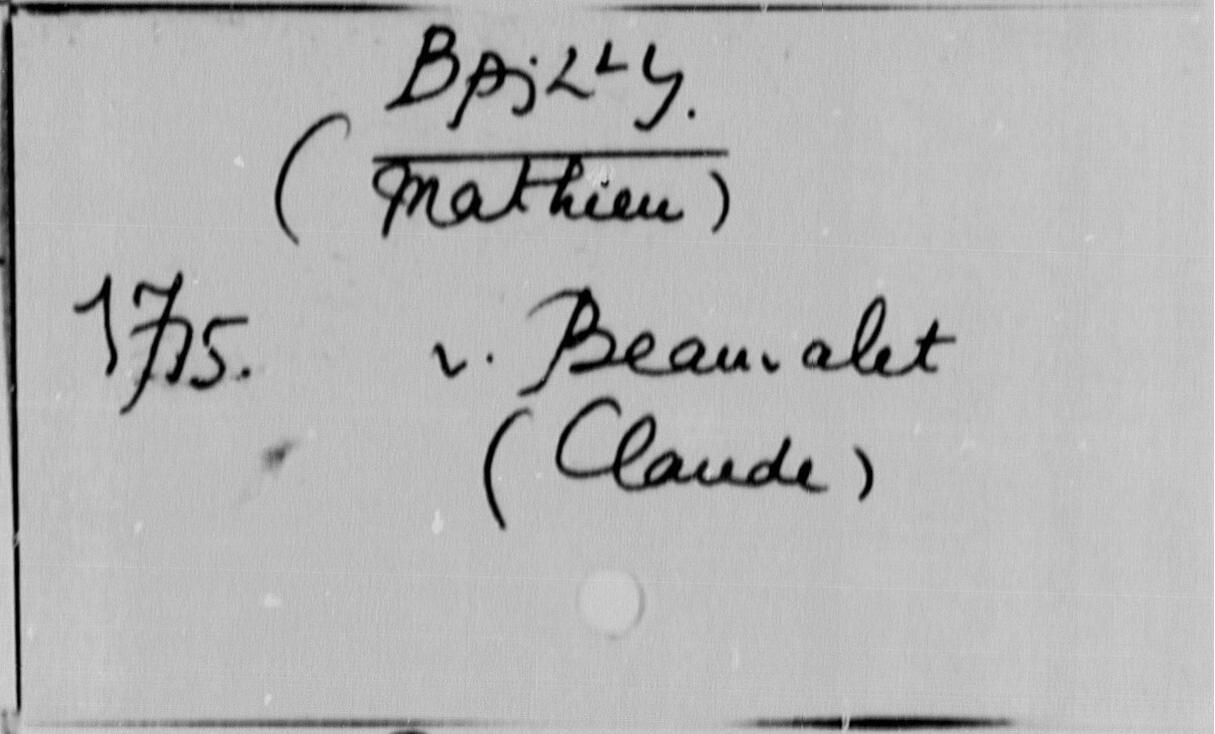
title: BAILLY (Mathieu)
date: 1715
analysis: Voir Beauvalet (Claude)
